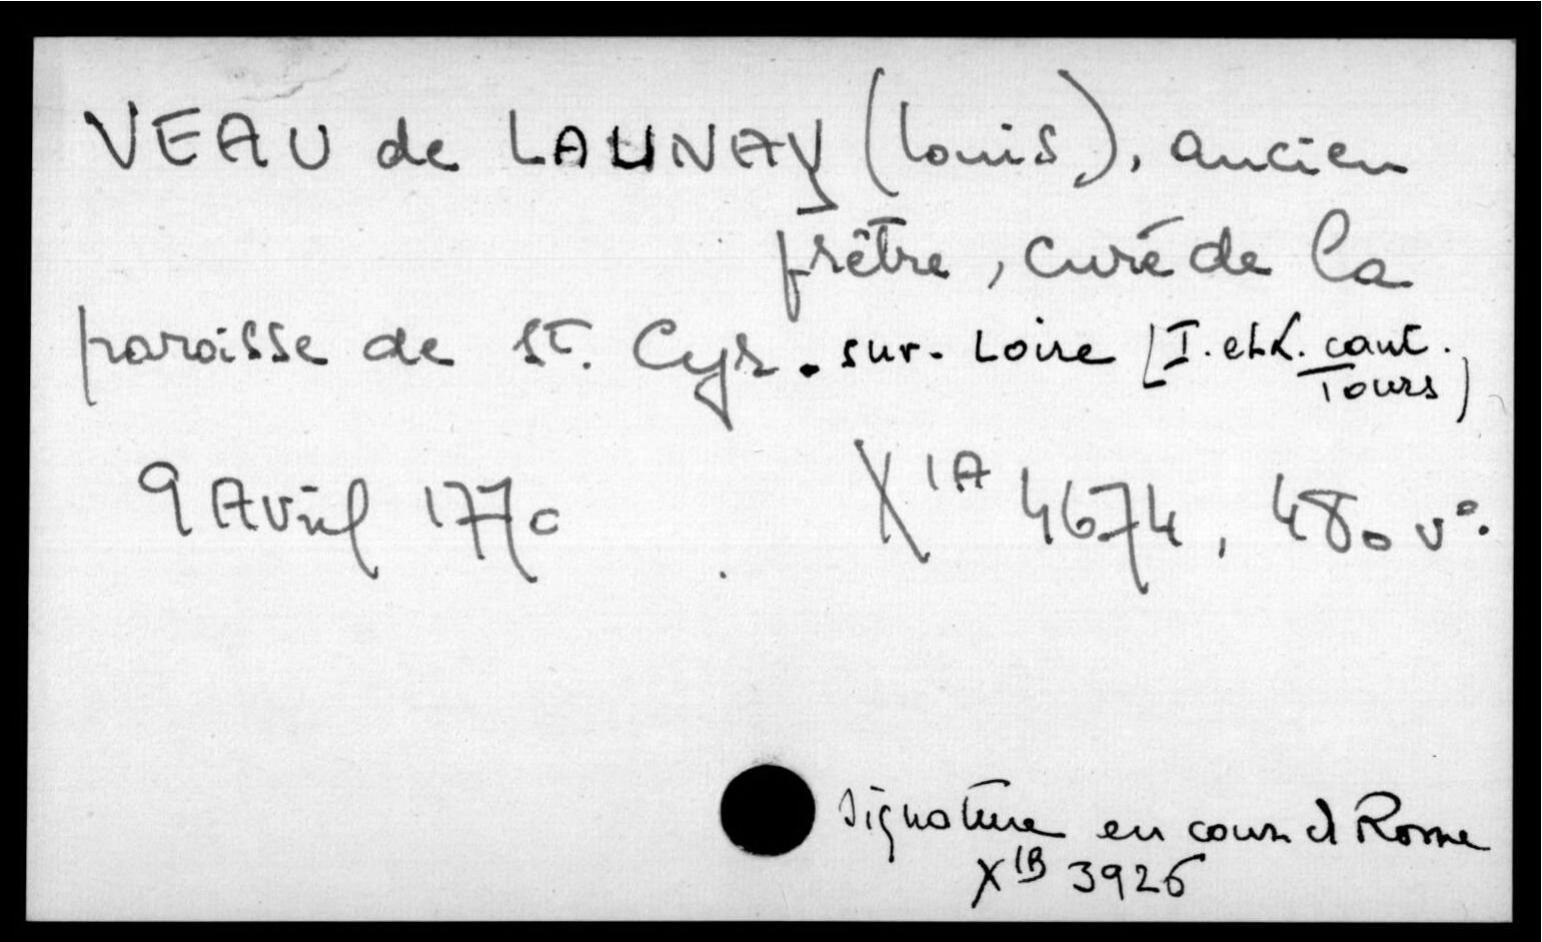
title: VEAU de LAUNAY (Louis), ancien prêtre, curé de la paroisse de Saint-Cyr-sur-Loire (Indre-et-Loire, canton Tours)
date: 9 avril 1770
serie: X1A
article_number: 4674
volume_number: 480v
